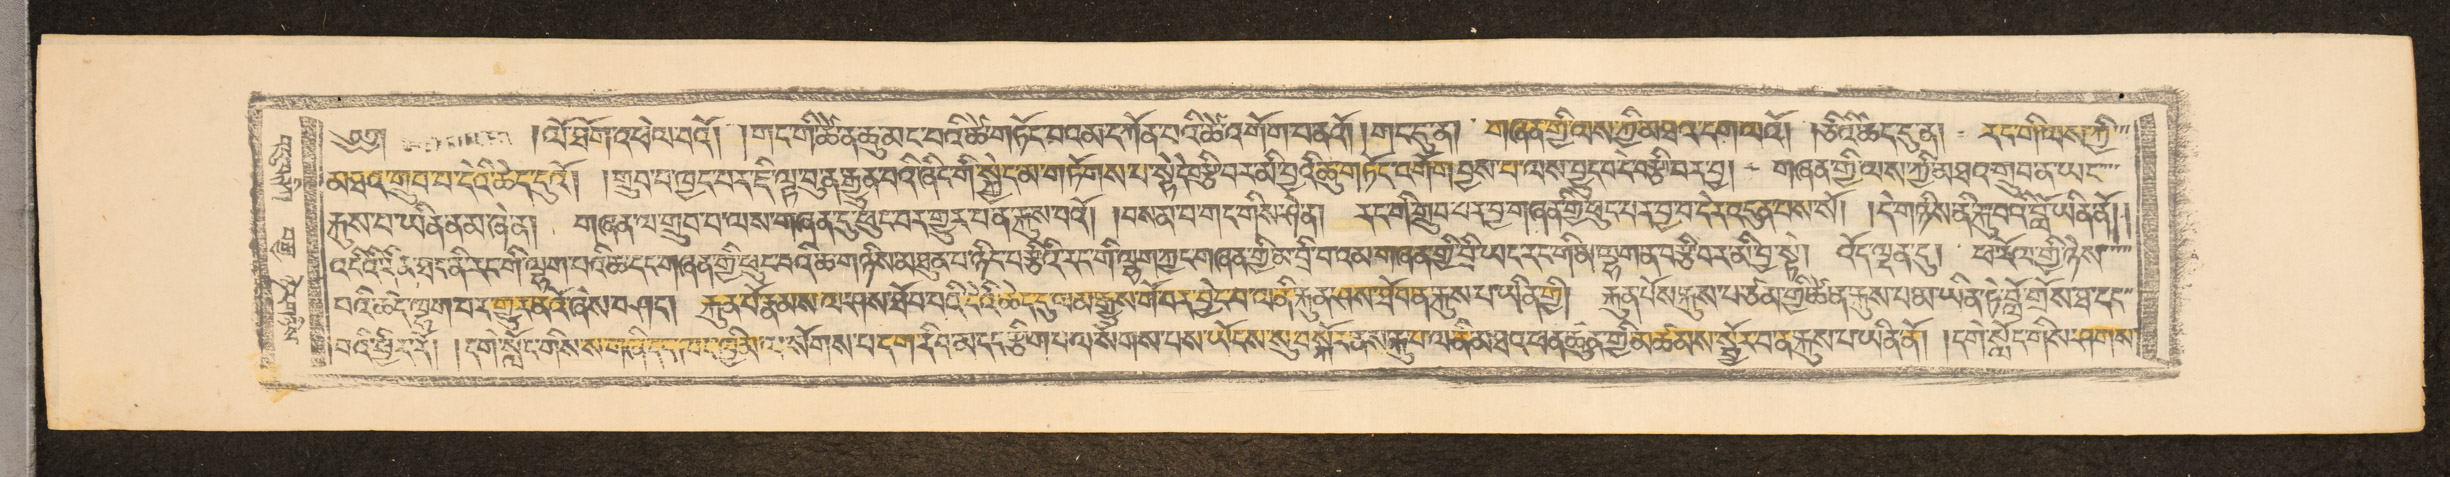༄༅། །ལོ་ཐོག་འཕེལ་བའོ། །གང་གི་ཚེ་ན་ཆུ་མོད་པའི་ཚེ་གཏོང་བའམ་དཀོན་པའི་ཚེ་འགོག་པ་ནའོ། །གང་དུ་ན། གཞན་གྱི་ལས་ཀྱི་མཐའ་དག་ལའོ། །ཅིའི་ཆེད་དུ་ན། རང་གི་ལས་ཀྱི་
མཐའ་གྲུབ་པ་དེའི་ཆེད་དུའོ། །གྲུབ་པ་ཁྱད་པར་ཇི་ལྟ་བུ་ན་རྒྱུན་པའི་ཞིང་གི་སྐྱེད་མ་གཏོགས་པ་སྟེ་དེ་བརྩི་བར་མི་བྱའི་ཆུ་གཏོང་འགོག་བྱས་པ་ལས་བྱུང་བ་དེ་བརྩི་བར་བྱ། གཞན་གྱི་ལས་ཀྱི་མཐའ་གྲུབ་ན་ཡང་
རྐུས་པ་ཡིན་ནམ་ཞེ་ན། གཞན་ལ་གྲུབ་པ་ལས་གཞན་དུ་ཕུང་བར་གྱུར་པ་ན་རྐུས་པའོ། །བསམ་པ་གང་གིས་ཤེ་ན། རང་གི་གྲུབ་པར་བྱ་གཞན་གྱི་ཕུང་བར་བྱ་བ་དེར་འདུན་པས་སོ། །དེ་གཉིས་ནི་རྐུ་བའི་བློ་ཡིན་ནོ། །
འདིའི་རིན་ཐང་ནི་རང་གི་ལྷག་པའི་ཆ་དང་གཞན་གྱི་ཕུང་པའི་ཆ་གཉིས་མཐུན་པ་ཉིད་བརྩིའི་རང་གི་ལྷག་ཀྱང་གཞན་གྱི་མ་བྲི་བ་འམ་གཞན་གྱི་བྲི་ཡང་རང་གི་མ་ལྷག་ན་བརྩི་བར་མི་བྱ་སྟེ། འོད་ལྡན་དུ། ཕ་རོལ་གྱི་ཉེས་
བའི་ཚད་ལྷག་པར་གྱུར་ནའོ་ཞེས་བཤད། རྐུན་པོ་རྣམས་ལ་ཤས་ཐོབ་པའི་དེའི་ཆེད་དུ་ལམ་རྒྱུས་གོ་བར་བྱེད་བ་ལ་ནི་རྐུན་ཤས་ཐོབ་ན་རྐུས་པ་ཡིན་གྱི། རྐུན་བོས་རྐུས་པ་ཙམ་གྱི་ཚེ་ན་རྐུས་པ་མ་ཡིན་ཏེ་བློ་གྲོས་ཐ་དད་
པའི་ཕྱིར་རོ། །དགེ་སློང་གིས་ས་གཞི་དང་ཁང་ཁྱིམ་ལ་སོགས་པ་དག་རིབ་མ་དང་རྩིག་པ་ལ་སོགས་པས་ཡོངས་སུ་བསྐོར་ནས་རྐུ་བ་ལ་ནི་མཐའ་ཕན་ཚུན་གྱི་མཚམས་སྦྱོར་བ་ན་རྐུས་པ་ཡིན་ནོ། །དགེ་སློང་གིས་ཤགས་